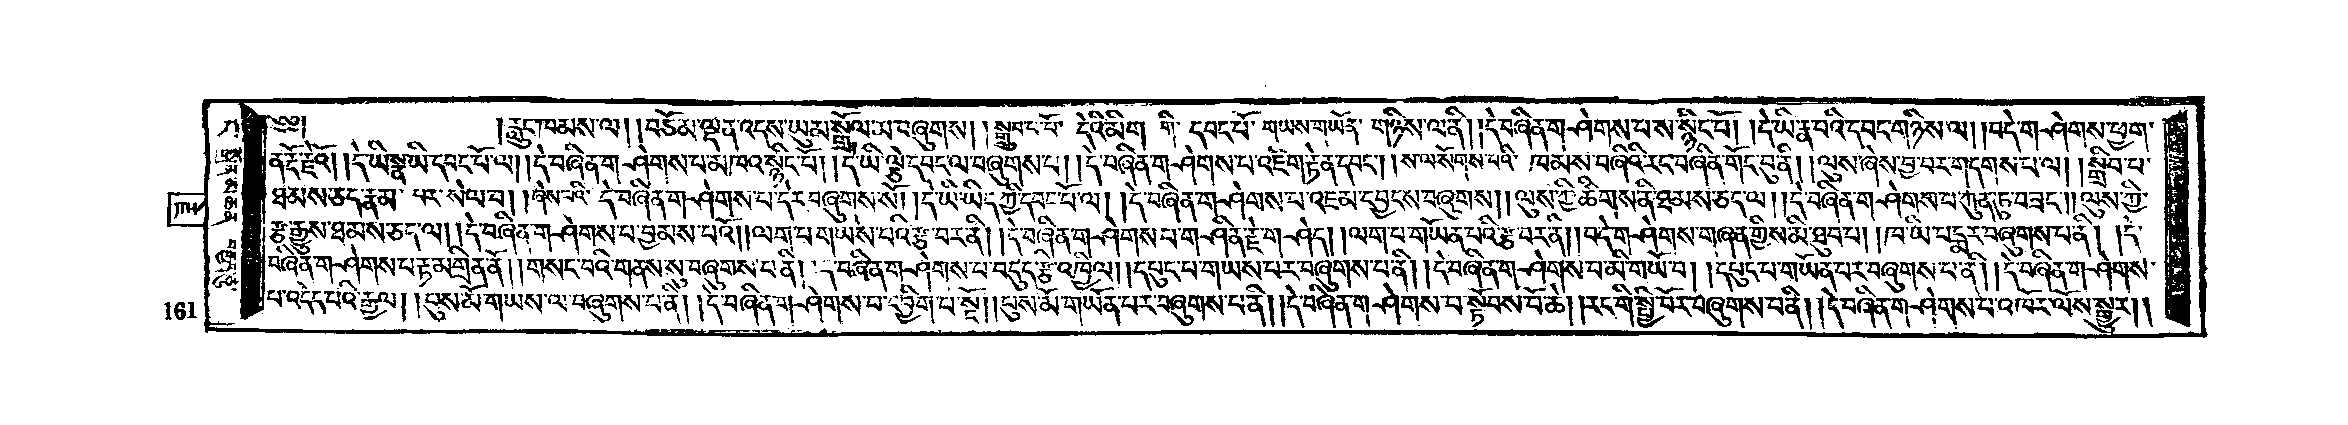༄༅། །རླུང་ཁམས་ལ། །བཅོམ་ལྡན་འདས་ཡུམ་སྒྲོལ་མ་བཞུགས། །སྒྲུབ་པ་པོ་དེའི་མིག་གི་དབང་པོ་གཡས་གཡོན་གཉིས་ལ་ནི། །དེ་བཞིན་གཤེགས་པས་སྙིང་པོ། །དེ་ཡི་རྣ་བའི་དབང་གཉིས་ལ། །བདེ་གཤེགས་ཕྱག་
ན་རྡོ་རྗེའོ། །དེ་ཡི་སྣ་ཡི་དབང་པོ་ལ། །དེ་བཞིན་གཤེགས་པ་མཁའ་སྙིང་པོ། །དེ་ཡི་ལྕེ་དབང་ལ་བཞུགས་པ། །དེ་བཞིན་གཤེགས་པ་འཇིག་རྟེན་དབང་། ། ས་ལ་སོགས་པའི་ཁམས་བཞིའི་རང་བཞིན་གོང་བུ་ནི། །ལུས་ཞེས་བྱ་བར་གདགས་པ་ལ། །སྒྲིབ་པ་
ཐམས་ཅད་རྣམ་པར་སེལ་བ། ། ཞེས་པའི་དེ་བཞིན་གཤེགས་པ་དེར་བཞུགས་སོ། །དེ་ཡི་ཡིད་ཀྱི་དབང་པོ་ལ། །དེ་བཞིན་གཤེགས་པ་འཇམ་དབྱངས་བཞུགས། །ལུས་ཀྱི་ཚིགས་ནི་ཐམས་ཅད་ལ། །དེ་བཞིན་གཤེགས་པ་ཀུན་ཏུ་བཟང་། །ལུས་ཀྱི་
རྩ་རྒྱུས་ཐམས་ཅད་ལ། །དེ་བཞིན་གཤེགས་པ་བྱམས་པའོ། །ལག་པ་གཡས་པའི་རྩ་བར་ནི། །དེ་བཞིན་གཤེགས་པ་གཤིན་རྗེ་གཤེད། །ལག་པ་གཡོན་པའི་རྩ་བར་ནི། །བདེ་གཤེགས་གཞན་གྱིས་མི་ཐུབ་པ། །ཁ་ཡི་པདམར་བཞུགས་པ་ནི། །དེ་
བཞིན་གཤེགས་པ་རྟ་མགྲིན་ནོ། །གསང་བའི་གནས་སུ་བཞུགས་པ་ནི། །དེ་བཞིན་གཤེགས་པ་བདུད་རྩི་འཁྱིལ། །དཔུང་པ་གཡས་པར་བཞུགས་པ་ནི། །དེ་བཞིན་གཤེགས་པ་མི་གཡོ་བ། །དཔུང་པ་གཡོན་པར་བཞུགས་པ་ནི། །དེ་བཞིན་གཤེགས་
པ་འདོད་པའི་རྒྱལ། །པུས་མོ་གཡས་ལ་བཞུགས་པ་ནི། །དེ་བཞིན་གཤེགས་པ་དབྱིག་པ་སྔོ། །པུས་མོ་གཡོན་པར་བཞུགས་པ་ནི། །དེ་བཞིན་གཤེགས་པ་སྟོབས་པོ་ཆེ། །རང་གི་སྤྱི་བོར་བཞུགས་པ་ནི། །དེ་བཞིན་གཤེགས་པ་འཁོར་ལོས་སྒྱུར། །